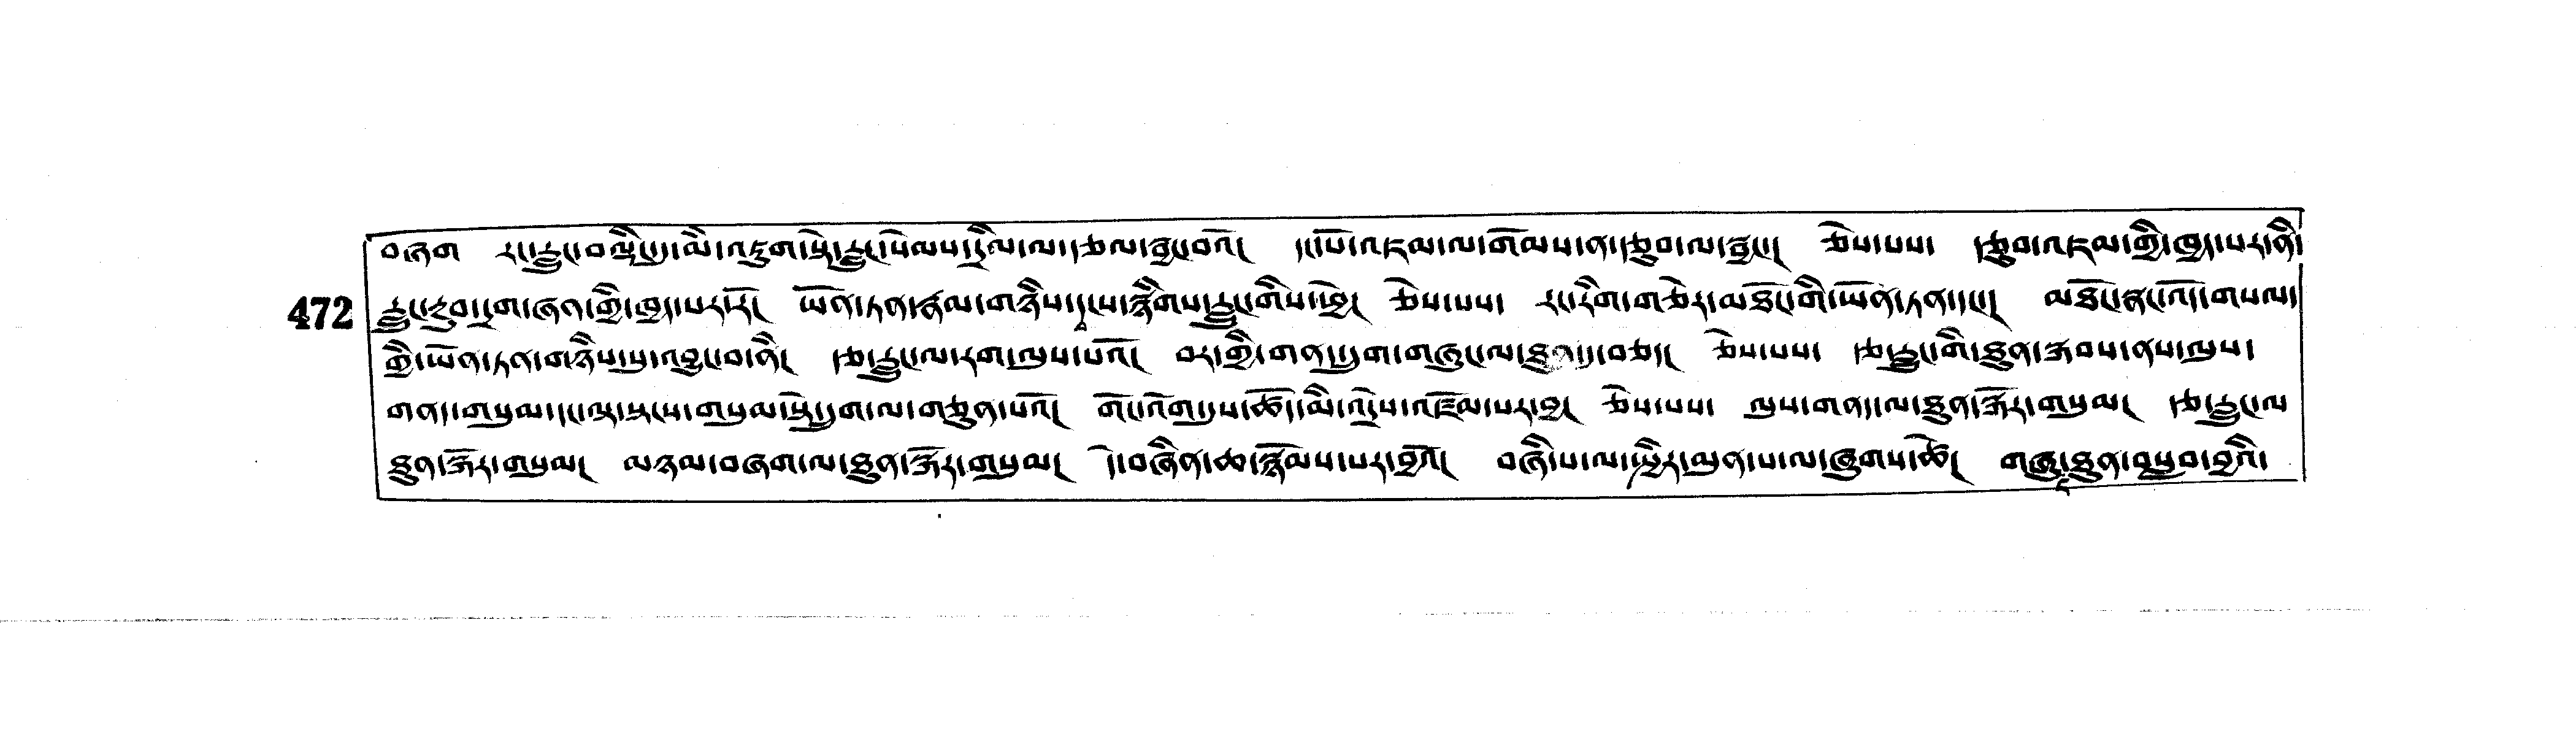བཞག རང་རླུང་ལྡིང་དུ་མི་འཇུག་སྟེ། རླུང་སེམས་དྲིལ་ལ་རྩལ་སྦྱང་བའོ། དང་པོ་འཇམ་ལ་གོམས་ན་རྩུབ་ལ་སྦྱང་། ཅེས་པས། རྩུབ་འཇམ་གྱི་ཁྱད་པར་ནི། 
རླུང་རྔུབ་དྲག་ཞན་གྱི་ཁྱད་པར་རོ། ཡོན་ཏན་རྣམ་གཉིས་དྭངས་སྙིགས་རླུང་གིས་ཕྱེ། ཅེས་པས། རང་རིག་ཅེར་མཐོང་གི་ཡོན་ཏན་དང་།མཐོང་སྣང་འོད་གསལ་
གྱི་ཡོན་ཏན་གཉིས་སུ་འབྱུང་བ་ནི་རྩ་རླུང་ལ་རག་ལུས་པའོ། བར་གྱི་གནད་དྲུག་གཞུང་ལ་ཐུན་དུ་བཅད། ཅེས་པས། རྩ་རླུང་གི་ཐུན་སྐབས་ནས་ལུས་
གནད་གསུམ་དང་། ལྟ་སྟངས་གསུམ་དེ་དྲུག་ལ་གཅུན་པའོ། གོང་འོག་དུས་ཚོད་མི་འདྲེས་འཛོམ་པར་བྱ། ཅེས་པས། ལུས་གནད་ལ་ཐུན་སྐོར་གསུམ། རྩ་རླུང་ལ་
ཐུན་སྐོར་གསུམ། མཉམ་གཞག་ལ་ཐུན་སྐོར་གསུམ། དེ་བཞིན་ཆ་སྙོམས་པར་བྱའོ། བཞི་པ་ལ་སྤྱིར་མུན་པ་ལ་ཞུགས་ཚེ། གཞུང་ཐུན་བསླབ་བྱའི་